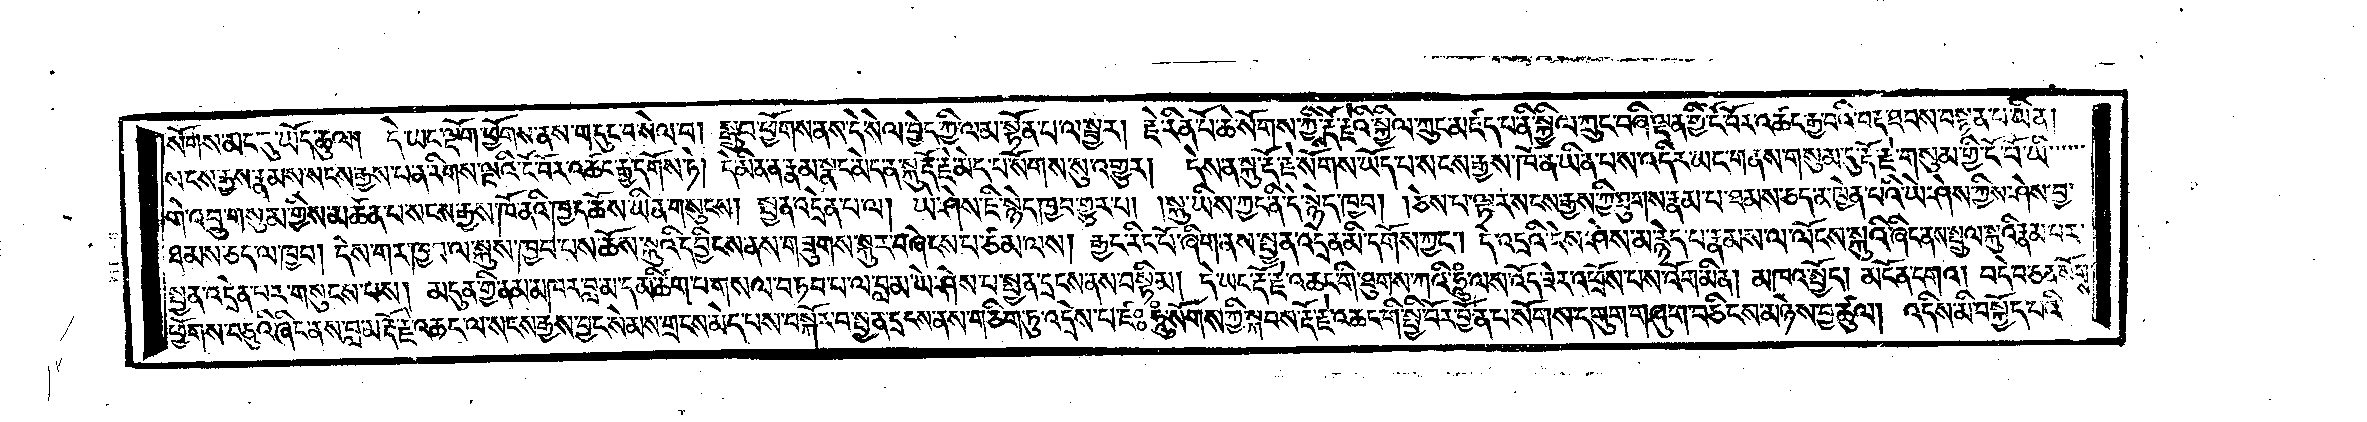སོགས་མང་དུ་ཡོད་ཚུལ། དེ་ཡང་ལྡོག་ཕྱོགས་ནས་གདུང་བསེལ་བ། སྒྲུབ་ཕྱོགས་ནས་དེ་སེལ་བྱེད་ཀྱི་ལམ་སྟོན་པ་ལ་སྦྱར། རྗེ་རིན་པོ་ཆེ་སོགས་ཀྱི་རྡོ་རྗེའི་སྐྱིལ་ཀྲུང་མཛད་པ་ནི་སྐྱིལ་ཀླུང་བཞི་ལྡན་གྱི་ངོ་བོར་འཚང་རྒྱ་བའི་བརྡ་ཐབས་བསྟན་པ་ཡིན།
སངས་རྒྱས་རྣམས་སངས་རྒྱས་པ་ན་རིགས་ལྔའི་ངོ་བོར་འཚང་རྒྱ་དགོས་ཏེ། དེ་མིན་ན་རྣམ་སྣང་མེད་ན་སྐུ་རྡོ་རྗེ་མེད་པ་སོགས་སུ་འགྱུར། དེས་ན་སྐུ་རྡོ་རྗེ་སོགས་ཡོད་པ་སངས་རྒྱས་ཁོ་ན་ཡིན་པས་འདིར་ཡང་གནས་གསུམ་དུ་རྡོ་རྗེ་གསུམ་གྱི་ངོ་བོ་ཡི་
གེ་འབྲུ་གསུམ་གྱིས་མཚན་པ་སངས་རྒྱས་ཁོ་ནའི་ཁྱད་ཆོས་ཡིན་གསུངས། སྤྱན་འདྲེན་པ་ལ། ཡེ་ཤེས་ཇི་སྙེད་ཁྱབ་གྱུར་པ། །སྐུ་ཡིས་ཀྱང་ནི་དེ་སྙེད་ཁྱབ། །ཅེས་པ་ལྟར་སངས་རྒྱས་ཀྱི་ཐུགས་རྣམ་པ་ཐམས་ཅད་མཁྱེན་པའི་ཡེ་ཤེས་ཀྱིས་ཤེས་བྱ་
ཐམས་ཅད་ལ་ཁྱབ། དེས་གར་ཁྱབ་ལ་སྐུས་ཁྱབ་པས་ཆོས་སྐུའི་དབྱིངས་ནས་གཟུགས་སྐུར་བཞེངས་པ་ཙམ་ལས། རྒྱང་རིང་པོ་ཞིག་ནས་སྤྱན་འདྲེན་མི་དགོས་ཀྱང་། དེ་འདྲའི་ངེས་ཤེས་མ་རྙེད་པ་རྣམས་ལ་ལོངས་སྐུའི་ཞིང་ནས་སྤྲུལ་སྐུའི་རྣམ་པར་
སྤྱན་འདྲེན་པར་གསུངས་པས། མདུན་གྱི་ནམ་མཁར་བླ་མ་དམ་ཚིག་པ་གསལ་བཏབ་པ་ལ་བླ་མ་ཡེ་ཤེས་པ་སྤྱན་དྲངས་ནས་བསྟིམ། དེ་ཡང་རྡོ་རྗེ་འཆང་གི་ཐུགས་ཀའི་ཧཱུཾ་ལས་འོད་ཟེར་འཕྲོས་པས་འོག་མིན། །མཁའ་སྤྱོད། མངོན་དགའ། བདེ་བ་ཅན་སོགས་
ཕྱོགས་བཅུའི་ཞིང་ནས་བླ་མ་རྡོ་རྗེ་འཆང་ལ་སངས་རྒྱས་བྱང་སེམས་གྲངས་མེད་པས་བསྐོར་བ་སྤྱན་དྲངས་ནས་གཅིག་ཏུ་འདྲེས་པ་ཛཿ ཧཱུཾ་སོགས་ཀྱི་སྐབས་རྡོ་རྗེ་འཆང་གི་སྤྱི་བོར་བྱོན་པ་སོགས་དབུག་གཞུག་བཅིངས་མཉེས་བྱ་ཚུལ། འདིས་མི་བསྐྱོད་པའི་